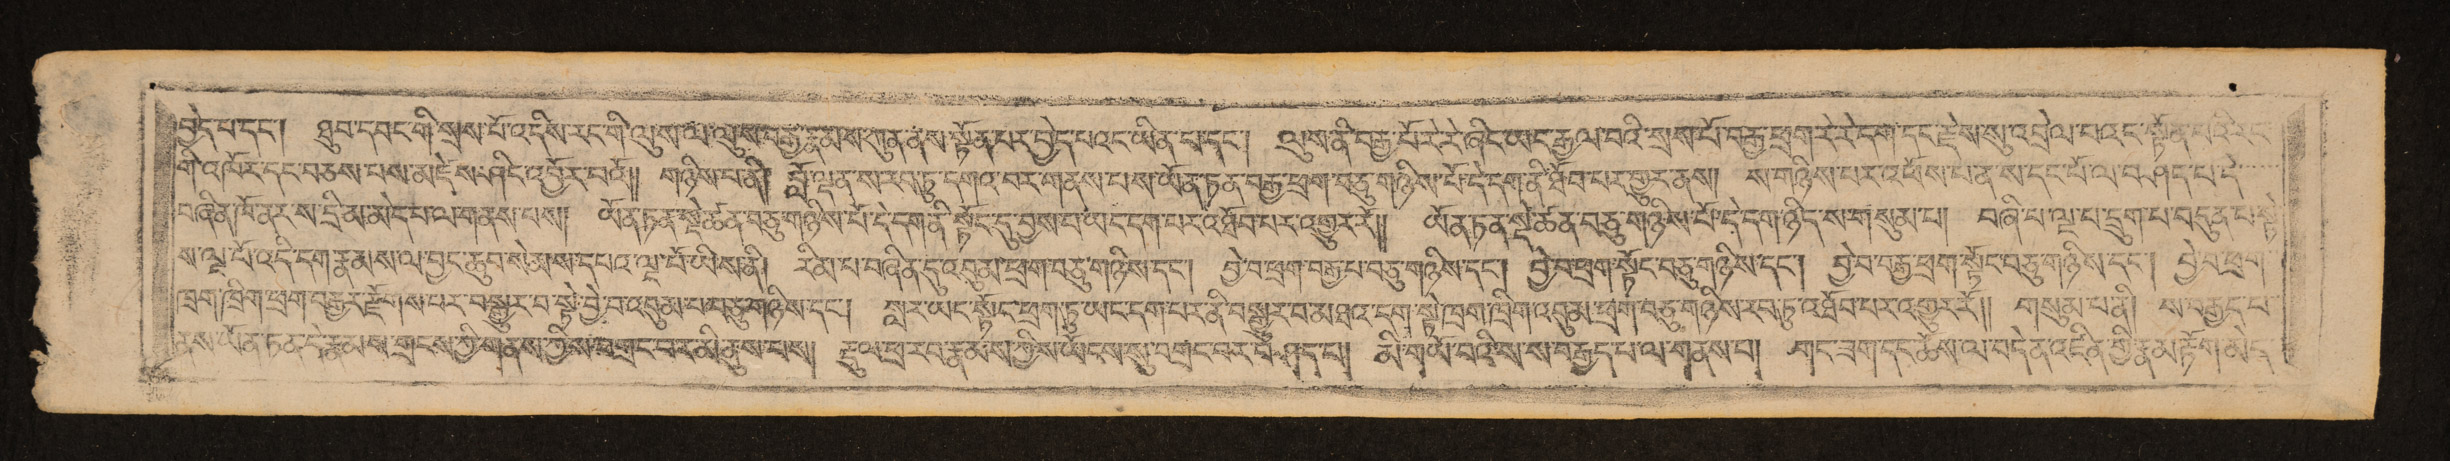བྱེད་པ་དང་། ཐུབ་དབང་གི་སྲས་པོ་འདིས་རང་གི་ལུས་ལ་ལུས་བརྒྱ་རྣམས་ཀུན་ནས་སྟོན་པར་བྱེད་པའང་ཡིན་པ་དང་། ལུས་ནི་བརྒྱ་པོ་རེ་རེ་ཞིང་ཡང་རྒྱལ་བའི་སྲས་པོ་བརྒྱ་ཕྲག་རེ་རེ་དག་དང་རྗེས་སུ་འབྲེལ་བའང་སྟོན་པའི་རང་
གི་འཁོར་དང་བཅས་པས་མཛེས་ཤིང་འབྱོར་བའོ།། གཉིས་པ་ནི། བློ་ལྡན་ས་རབ་ཏུ་དགའ་བར་གནས་པས་ཡོན་ཏན་བརྒྱ་ཕྲག་བཅུ་གཉིས་པོ་དེ་དག་ནི་ཐོབ་པར་གྱུར་ནས། ས་གཉིས་པར་འཕོས་པ་ན་ས་དང་པོ་ལ་བཤད་པ་དེ་
བཞིན་ཁོ་ནར་ས་དྲི་མ་མེད་པ་ལ་གནས་པས། ཡོན་ཏན་སྡེ་ཚན་བཅུ་གཉིས་པོ་དེ་དག་ནི་སྟོང་དུ་བྱས་པ་ཡང་དག་པར་འཐོབ་པར་འགྱུར་རོ།། ཡོན་ཏན་སྡེ་ཚན་བཅུ་གཉིས་པོ་དེ་དག་ཉིད་ས་གསུམ་པ། བཞི་པ་ལྔ་པ་དྲུག་པ་བདུན་པ་སྟེ་
ས་ལྔ་པོ་འདི་དག་རྣམས་ལ་བྱང་ཆུབ་སེམས་དཔའ་ལྔ་པོ་ཡིས་ནི། རིམ་པ་བཞིན་དུ་འབུམ་ཕྲག་བཅུ་གཉིས་དང་། བྱེ་བ་ཕྲག་བརྒྱ་པ་བཅུ་གཉིས་དང་། བྱེ་བ་ཕྲག་སྟོང་བཅུ་གཉིས་དང་། བྱེ་བ་བརྒྱ་ཕྲག་སྟོང་བཅུ་གཉིས་དང་། བྱེ་བ་ཕྲག་
ཁྲག་ཁྲིག་ཕྲག་བརྒྱར་རྫོགས་པར་བསྒྱུར་བ་སྟེ་བྱེ་བ་འབུམ་པ་བཅུ་གཉིས་དང་། སླར་ཡང་སྟོང་ཕྲག་ཏུ་ཡང་དག་པར་ནི་བསྒྱུར་བ་མཐའ་དག་སྟེ་ཁྲག་ཁྲིག་འབུམ་ཕྲག་བཅུ་གཉིས་རབ་ཏུ་འཐོབ་པར་འགྱུར་རོ།། གསུམ་པ་ནི། ས་བརྒྱད་པ་
ནས་ཡོན་ཏན་དེ་རྣམས་གྲངས་ཀྱི་གནས་ཀྱིས་བགྲང་བར་མི་ནུས་པས། རྡུལ་ཕྲ་རབ་རྣམས་ཀྱིས་ཡོངས་སུ་བགྲང་བར་བཤད་པ། མི་གཡོ་བའི་ས་ས་བརྒྱད་པ་ལ་གནས་པ། གང་ཟག་དང་ཆོས་ལ་བདེན་འཛིན་གྱི་རྣམ་རྟོག་མེད་